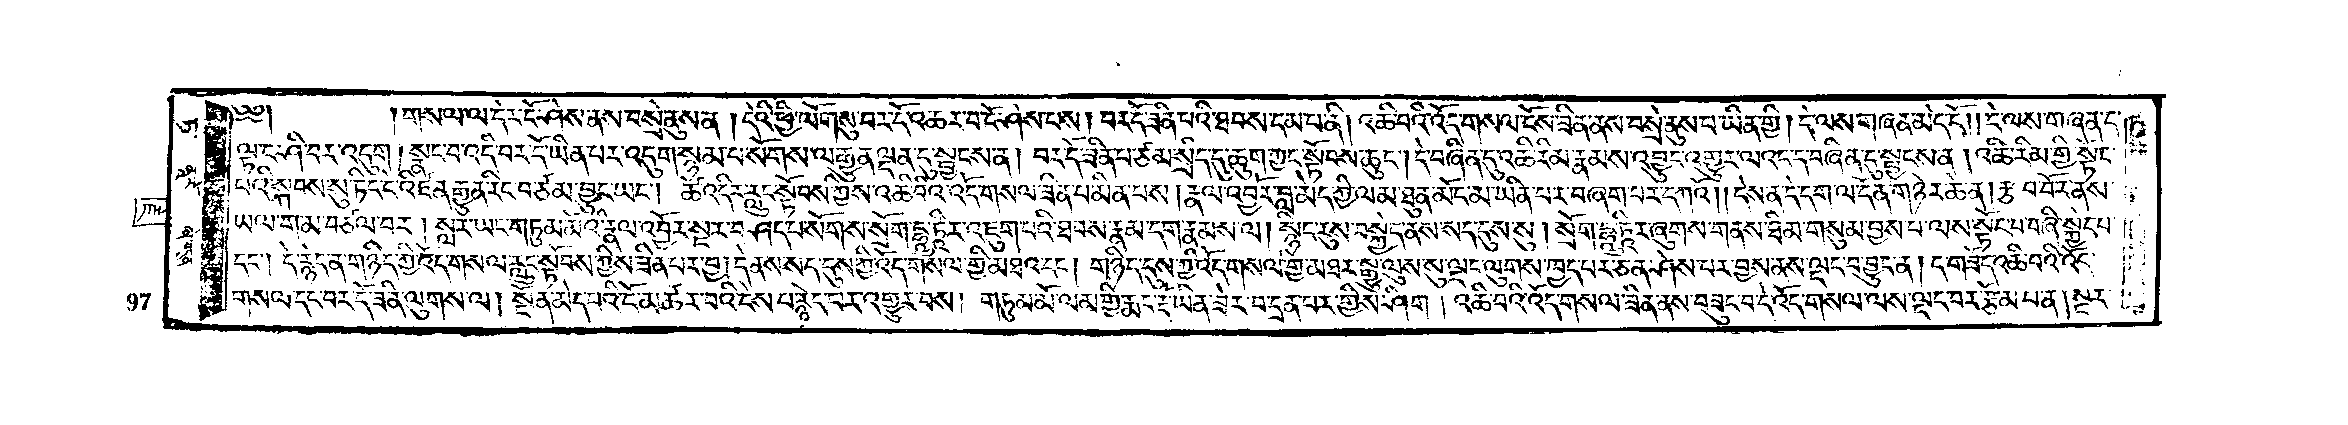༄༅། །གསལ་ལ་དེར་ངོ་ཤེས་ནས་བསྲེ་ནུས་ན། དེའི་ཕྱི་ལོགས་སུ་བར་དོ་འཆར་བ་ངོ་ཤེས་པས། བར་དོ་ཟིན་པའི་ཐབས་དམ་པ་ནི། འཆི་བའི་འོད་གསལ་ངོས་ཟིན་ནས་བསྲེ་ནུས་པ་ཡིན་གྱི། དེ་ལས་གཞན་མེད་དོ། །དེ་ལས་གཞན་ད་
ལྟ་ང་ཤི་བར་འདུག །སྣང་བ་འདི་བར་དོ་ཡིན་པར་འདུག་སྙམ་པ་སོགས་ལ་རྒྱུན་ལྡན་དུ་སྦྱངས་ན། བར་དོ་ཟིན་པ་ཙམ་སྲིད་དུ་ཆུག་ཀྱང་སྟོབས་ཆུང་། དེ་བཞིན་དུ་འཆི་རིམ་རྣམས་འབྱུང་འགྱུར་ལའང་དེ་བཞིན་དུ་སྦྱངས་ན། འཆི་རིམ་གྱི་སྟོང་
པའི་སྐབས་སུ་ཏིང་ངེ་འཛིན་རྒྱུན་རིང་བ་ཙམ་བྱུང་ཡང་། ཚེ་འདིར་རླུང་སྟོབས་ཀྱིས་འཆི་བའི་འོད་གསལ་ཟིན་པ་མིན་པས། རྣལ་འབྱོར་བླ་མེད་ཀྱི་ལམ་ཐུན་མོང་མ་ཡིན་པར་བཞག་པར་དཀའོ། །དེས་ན་དེ་དག་ལ་དོན་གཉེར་ཆེ་ན། རྩ་བ་བོར་ནས་
ཡལ་ག་མ་བཙལ་བར། སླར་ཡང་གཏུམ་མོའི་རྣལ་འབྱོར་སྔར་བཤད་པ་སོགས་སྲོག་དྷཱུ་ཏཱིར་འཇུག་པའི་ཐབས་རྣམ་དག་རྣམས་ལ། སྙིང་རུས་བསྐྱེད་ནས་སད་དུས་སུ། སྲོག་དྷཱུ་ཏཱིར་ཞུགས་གནས་ཐིམ་གསུམ་བྱས་པ་ལས་སྟོང་པ་བཞི་སྐྱེད་པ་
དང་། དེ་རྙེད་ན་གཉིད་ཀྱི་འོད་གསལ་རླུང་སྟོབས་ཀྱིས་ཟིན་པར་བྱ། དེ་ནས་སད་དུས་ཀྱི་འོད་གསལ་གྱི་མཐའ་དང་། གཉིད་དུས་ཀྱི་འོད་གསལ་གྱི་མཐར་སྒྱུ་ལུས་སུ་ལྡང་ལུགས་ཁྱད་པར་ཅན་ཤེས་པར་བྱས་ནས་ལྡང་བ་བྱུང་ན། ད་གཟོད་འཆི་བའི་འོད་
གསལ་དང་བར་དོ་ཟིན་ལུགས་ལ། སྔོན་མེད་པའི་ངོ་མཚར་བའི་ངེས་པ་རྙད་པར་འགྱུར་བས། གཏུམ་མོ་ལམ་གྱི་རྨང་རྡོ་ཡིན་ཟེར་བ་དྲན་པར་གྱིས་ཤིག །འཆི་བའི་འོད་གསལ་ཟིན་ནས་བཟུང་བ་དེ་འོད་གསལ་ལས་ལྡང་བར་རྩོམ་པ་ན། སྔར་